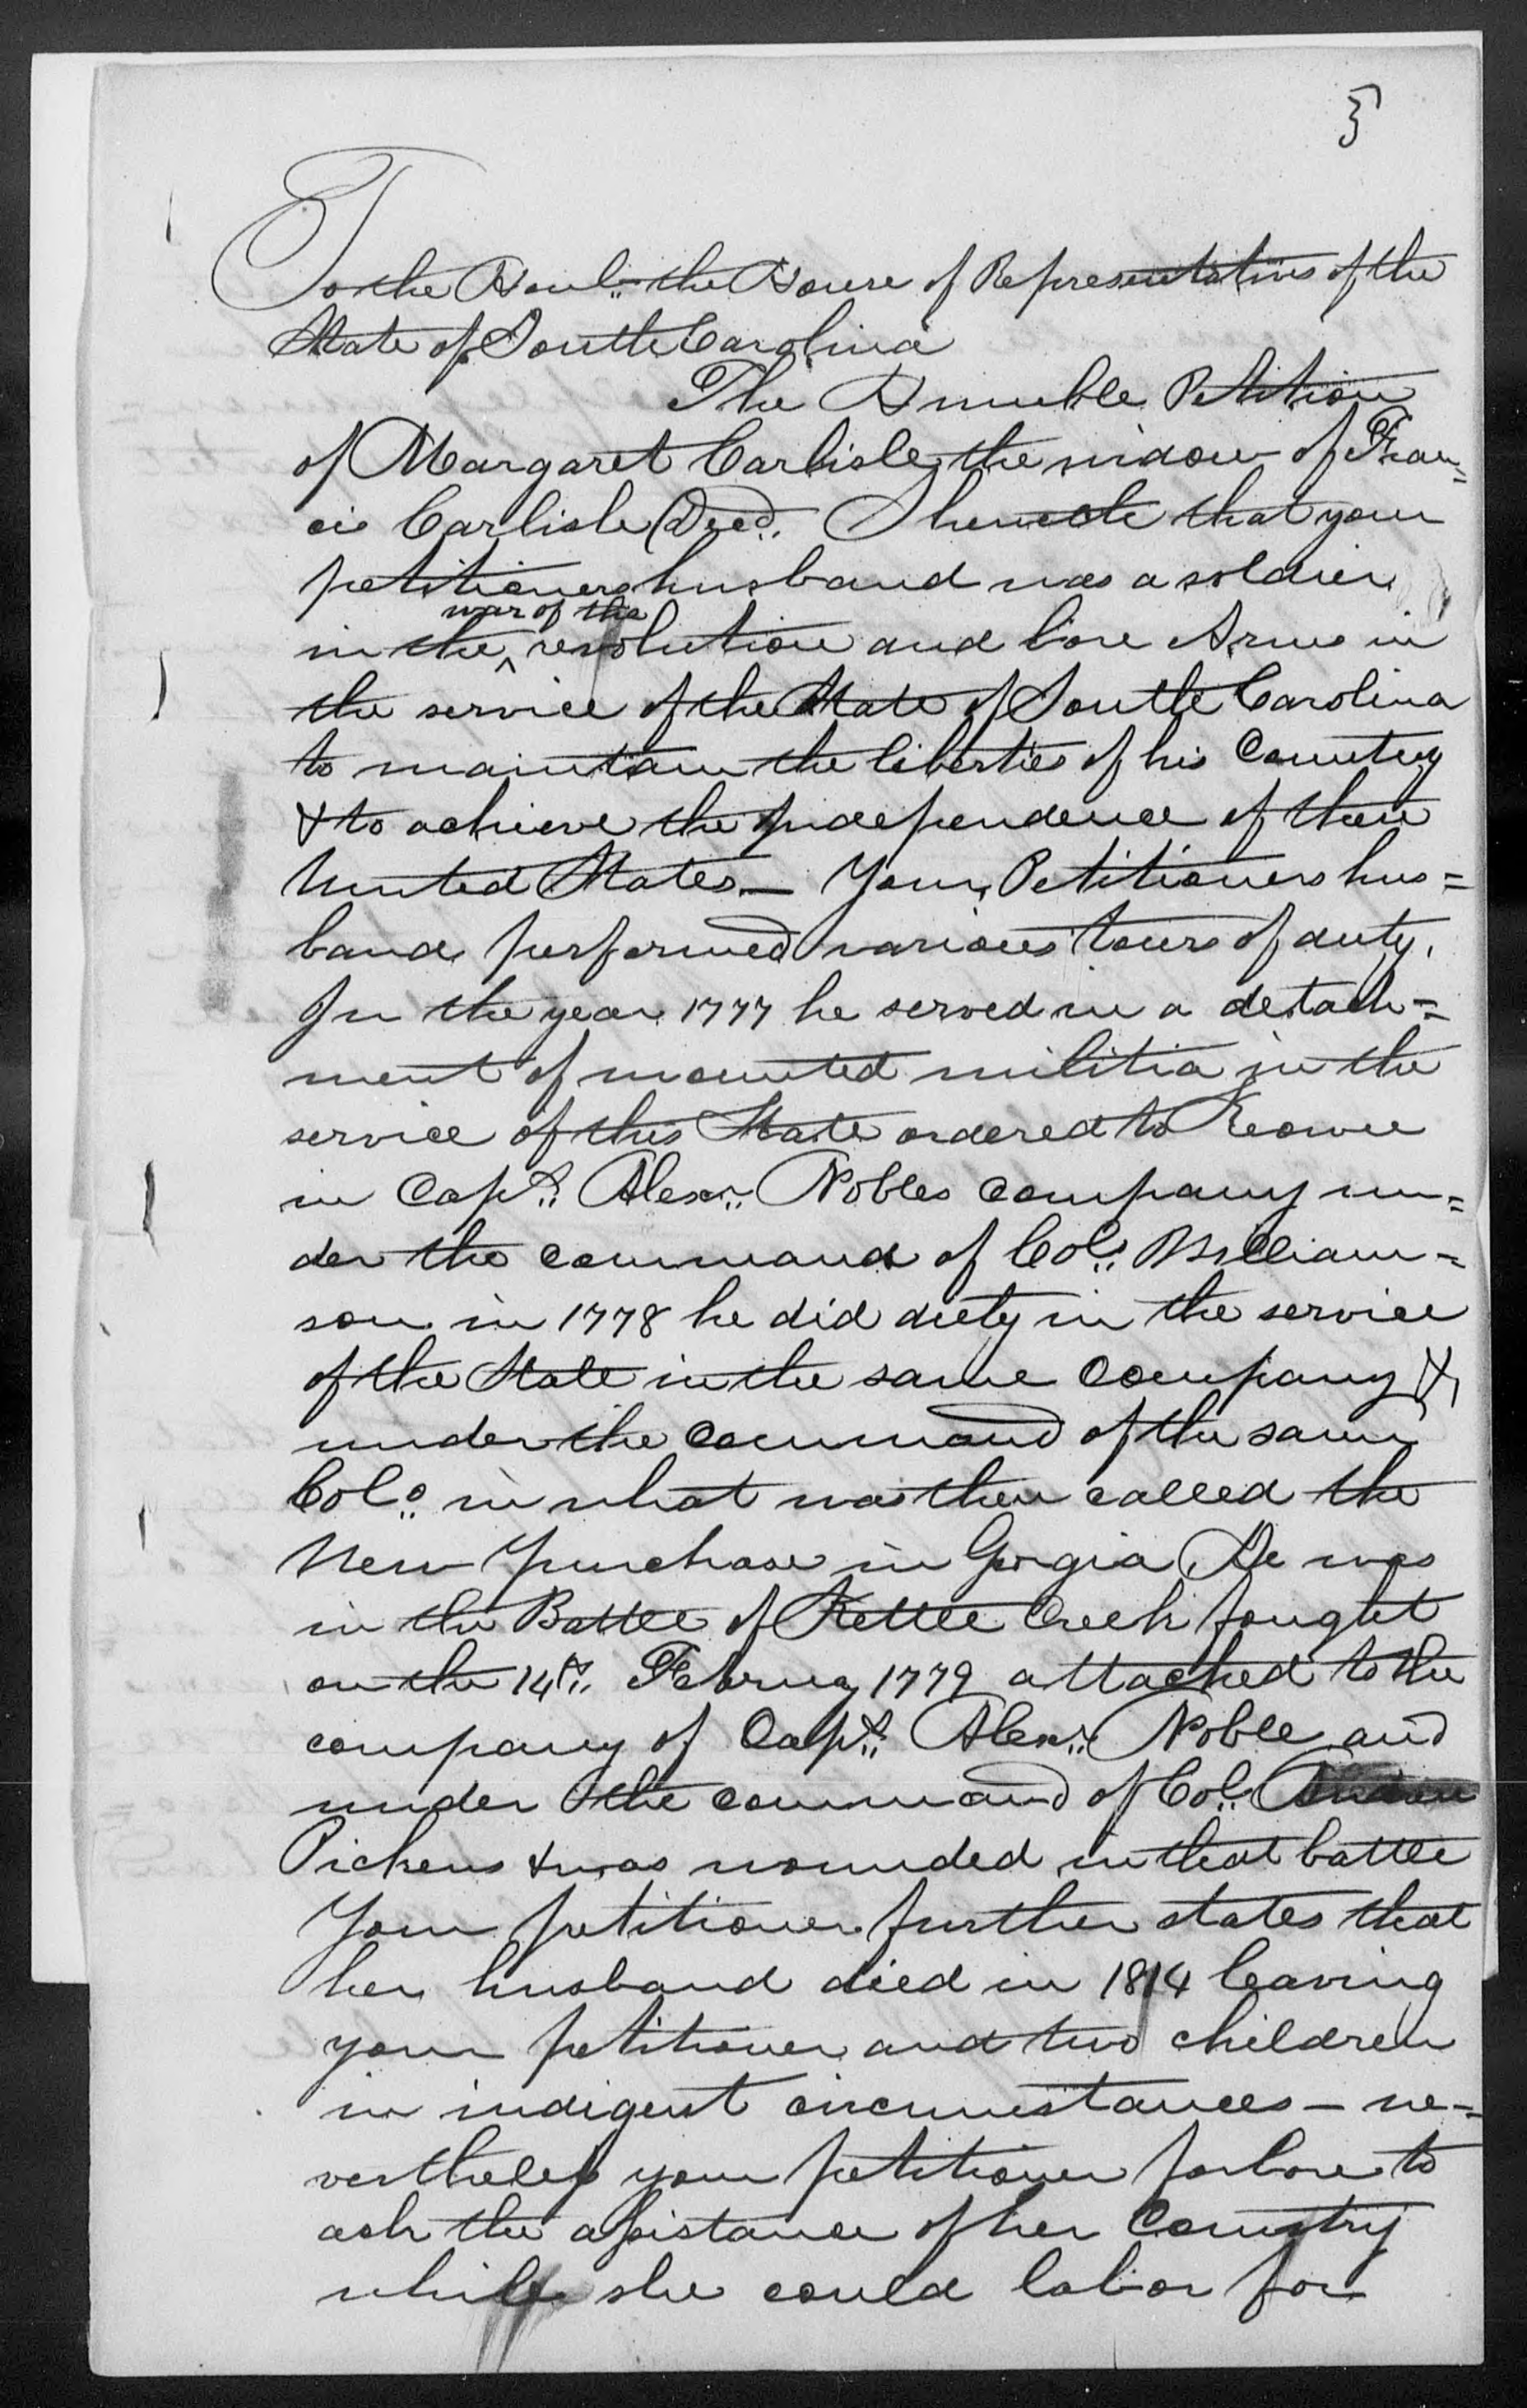To the Hon the House of Representatives of the State of South Carolina The humble Petition of Margaret Carlisle the widow of Francis Carlisle Decd I herewith that your petitioner's husband was a soldier in the war of the revolution and bore arms in the service of the State of South Carolina to maintain the liberties of his country & to achieve the Independence of the United States. Your Petitioners husband performed various tours of duty. In the year 1777 he served in a detachment of mounted militia in the service of this State ordered to Keowee in Capt Alexr Noble's Company under the command of Col [William] Williamson in 1778 he did duty in the service of the State in the same company & under the command of the same Colo in what was then called the New purchase in Georgia he was in the Battle of Kettle Creek fought on the 14th February 1779 attached to the company of Capt Alexr Noble and under the command of Col [Andrew] Pickens & was wounded in that battle
Your petitioner further states that her husband died in 1844 leaving your petitioner and two children
in indigent circumstances - nevertheless your petitioner forbore to ask the assistance of her country
while she could labor for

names: Williamson, Francis Carlisle, Margaret Carlisle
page: 25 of 91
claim: widow's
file: W. 10576, Francis Carlisle, S.C.